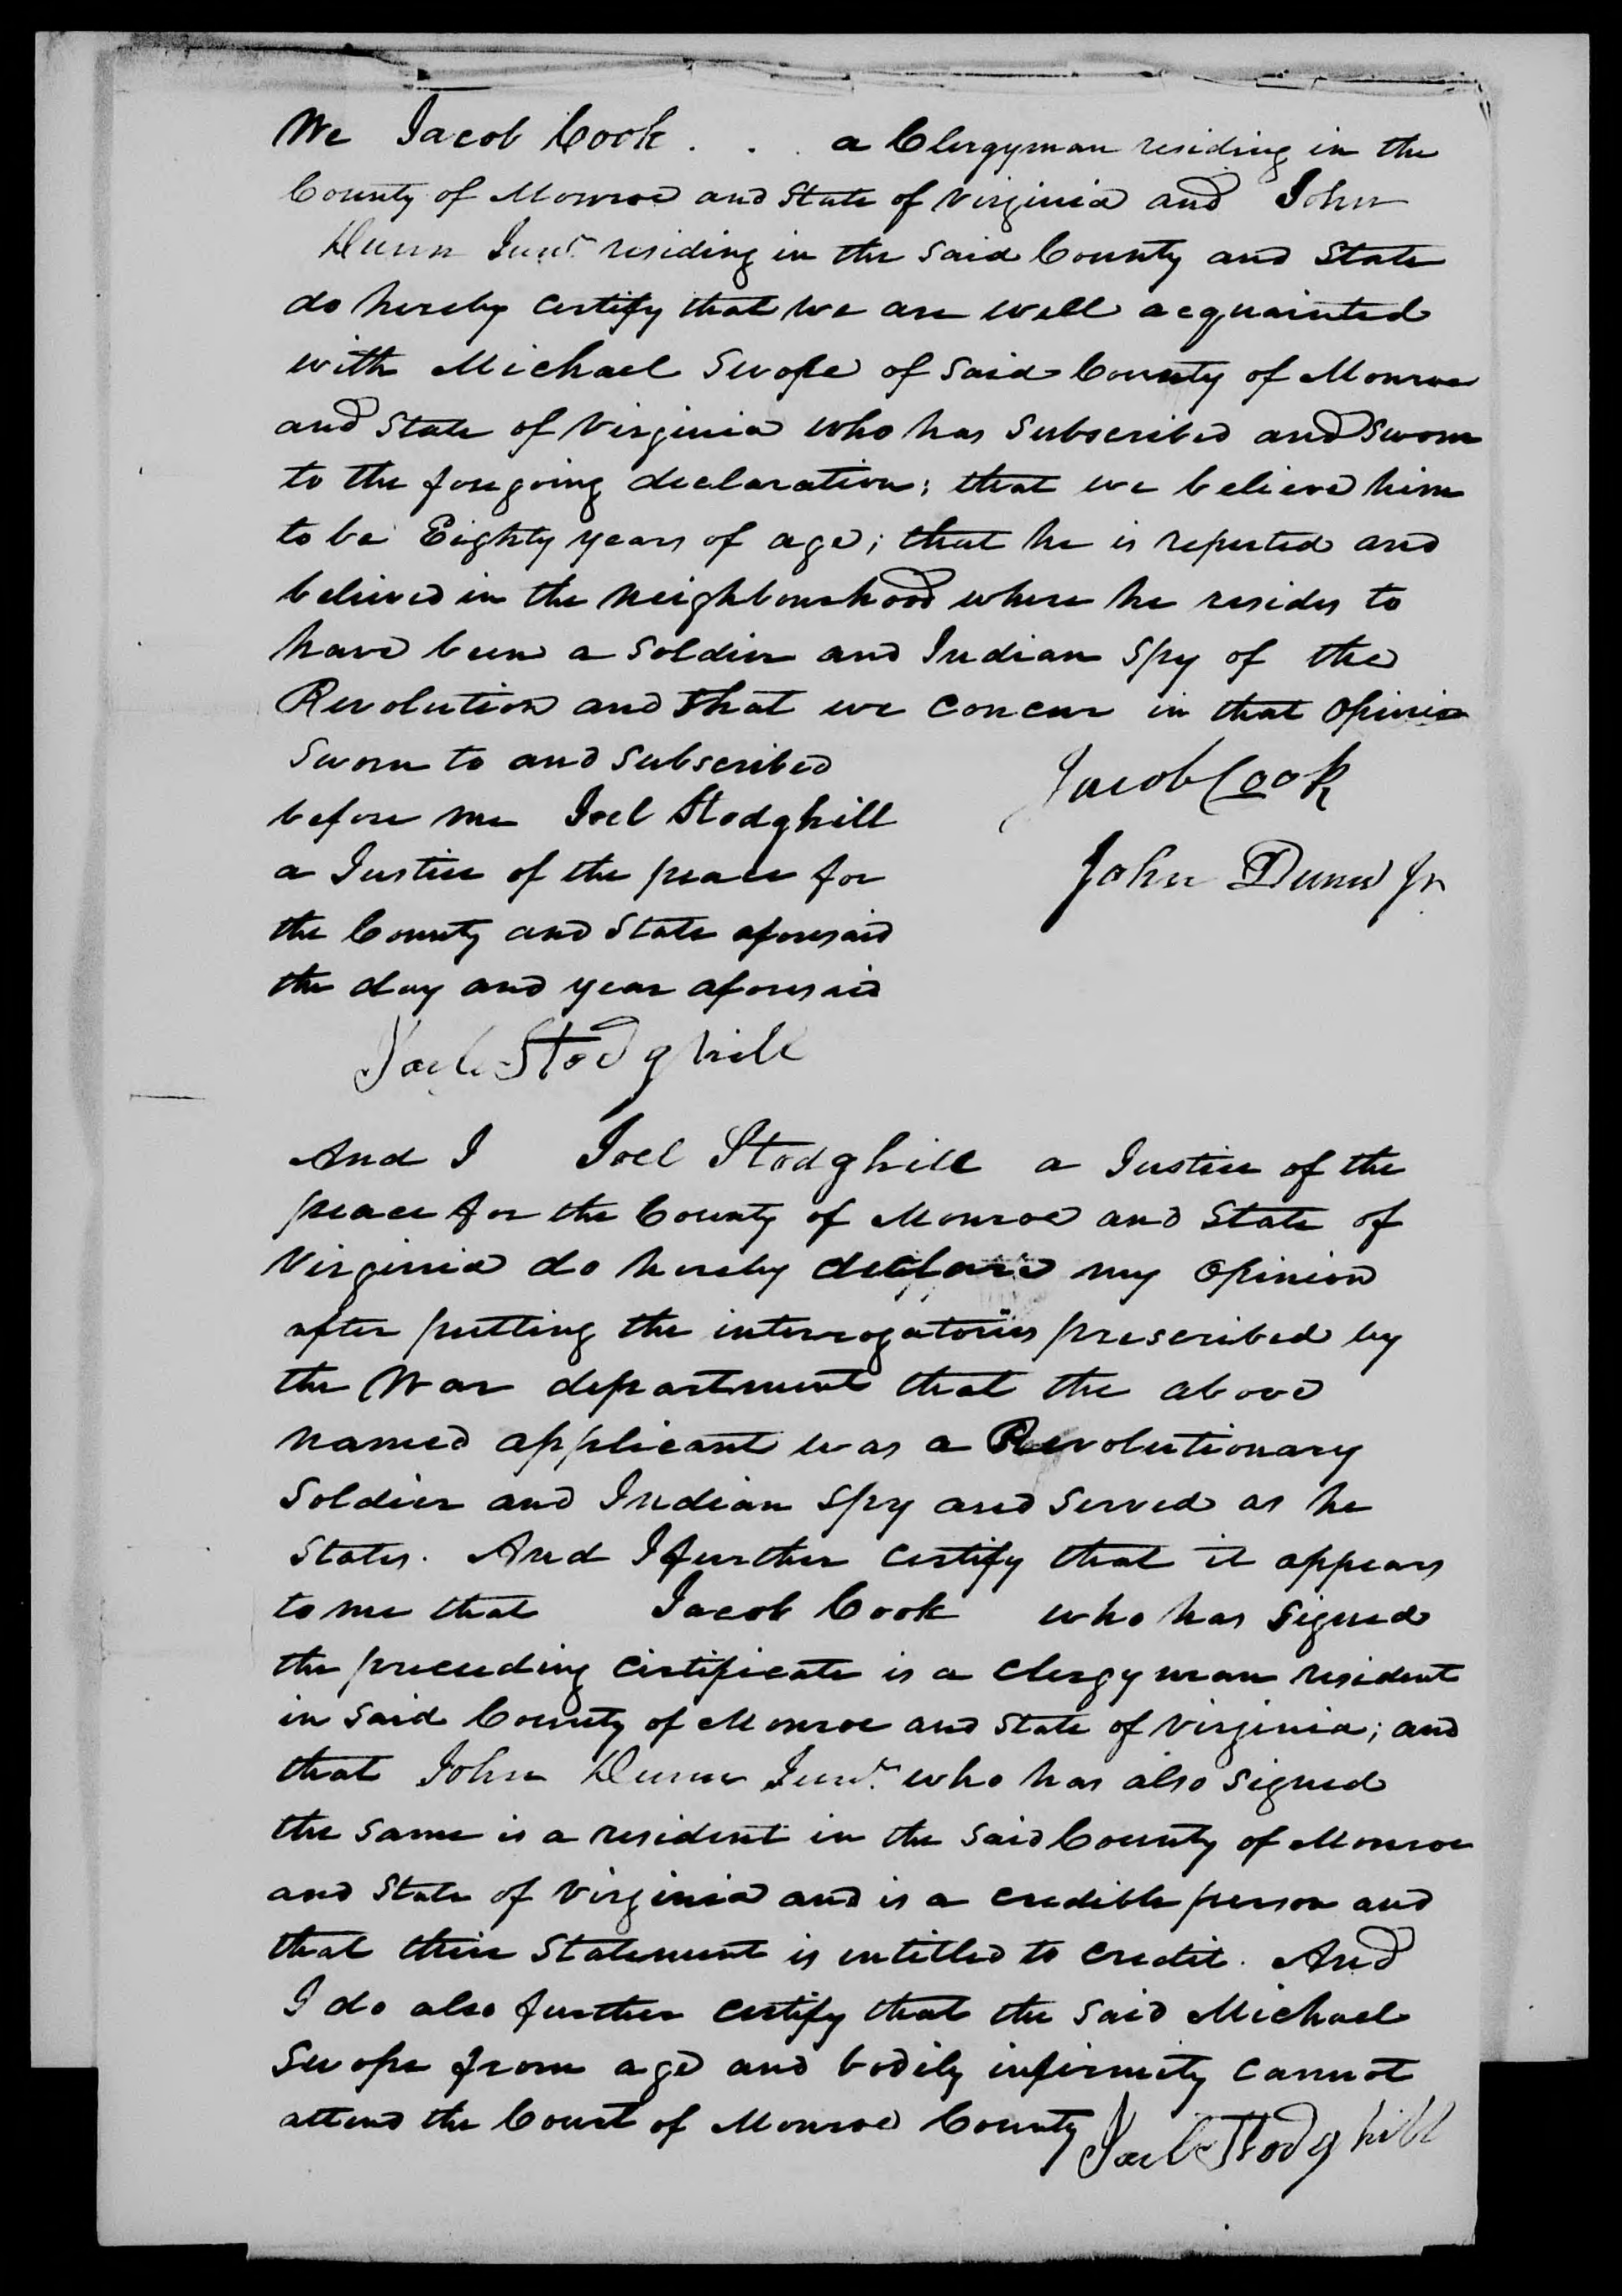We Jacob Cook
a Clergyman residing in the
County of Monroe and State of Virginia and John
Dunn Junr residing in the said County and State
do hereby certify that we are well acquainted with
Michael Swope of said County of Monroe
and State of Virginia who has subscribed and sworn
to the foregoing declaration; that we believe him
to be Eighty years of age; that he is reputed and
believed in the neighbourhood where he resides to
have been a soldier and Indian spy of the
Revolution and that we concur in that opinion
Jacob Cook [signature]
John Dunn Jr [signature]
Sworn to and subscribed
before me Joel Stodghill
a Justice of the peace for
the County and State aforesaid
the day and year aforesaid
Joel Stodghill [signature]
And I
Joel Stodghill a Justice of the
peace for the County of Monroe and State of
Virginia do hereby declare my opinion
after putting the interrogatories prescribed by
the war department that the above
named applicant was a Revolutionary
soldier and Indian Spy and served as he
States. And I further certify that it appears
to me that
Jacob Cook who has signed
the preceding certificate is a clergyman resident
in said County of Monroe and State of Virginia, and
that John Dunn Jun who has also signed
the same is a resident in the said County of Monroe
and State of Virginia and is a credible person and
that their statement is entitled to credit. And
I do also further certify that the said Michael
Swops from age and bodily infirmity cannot
attend the Court of Monroe County 
Joel Stodghill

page: 7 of 16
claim: rejected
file: R 10366, for Michael Swope, Virginia